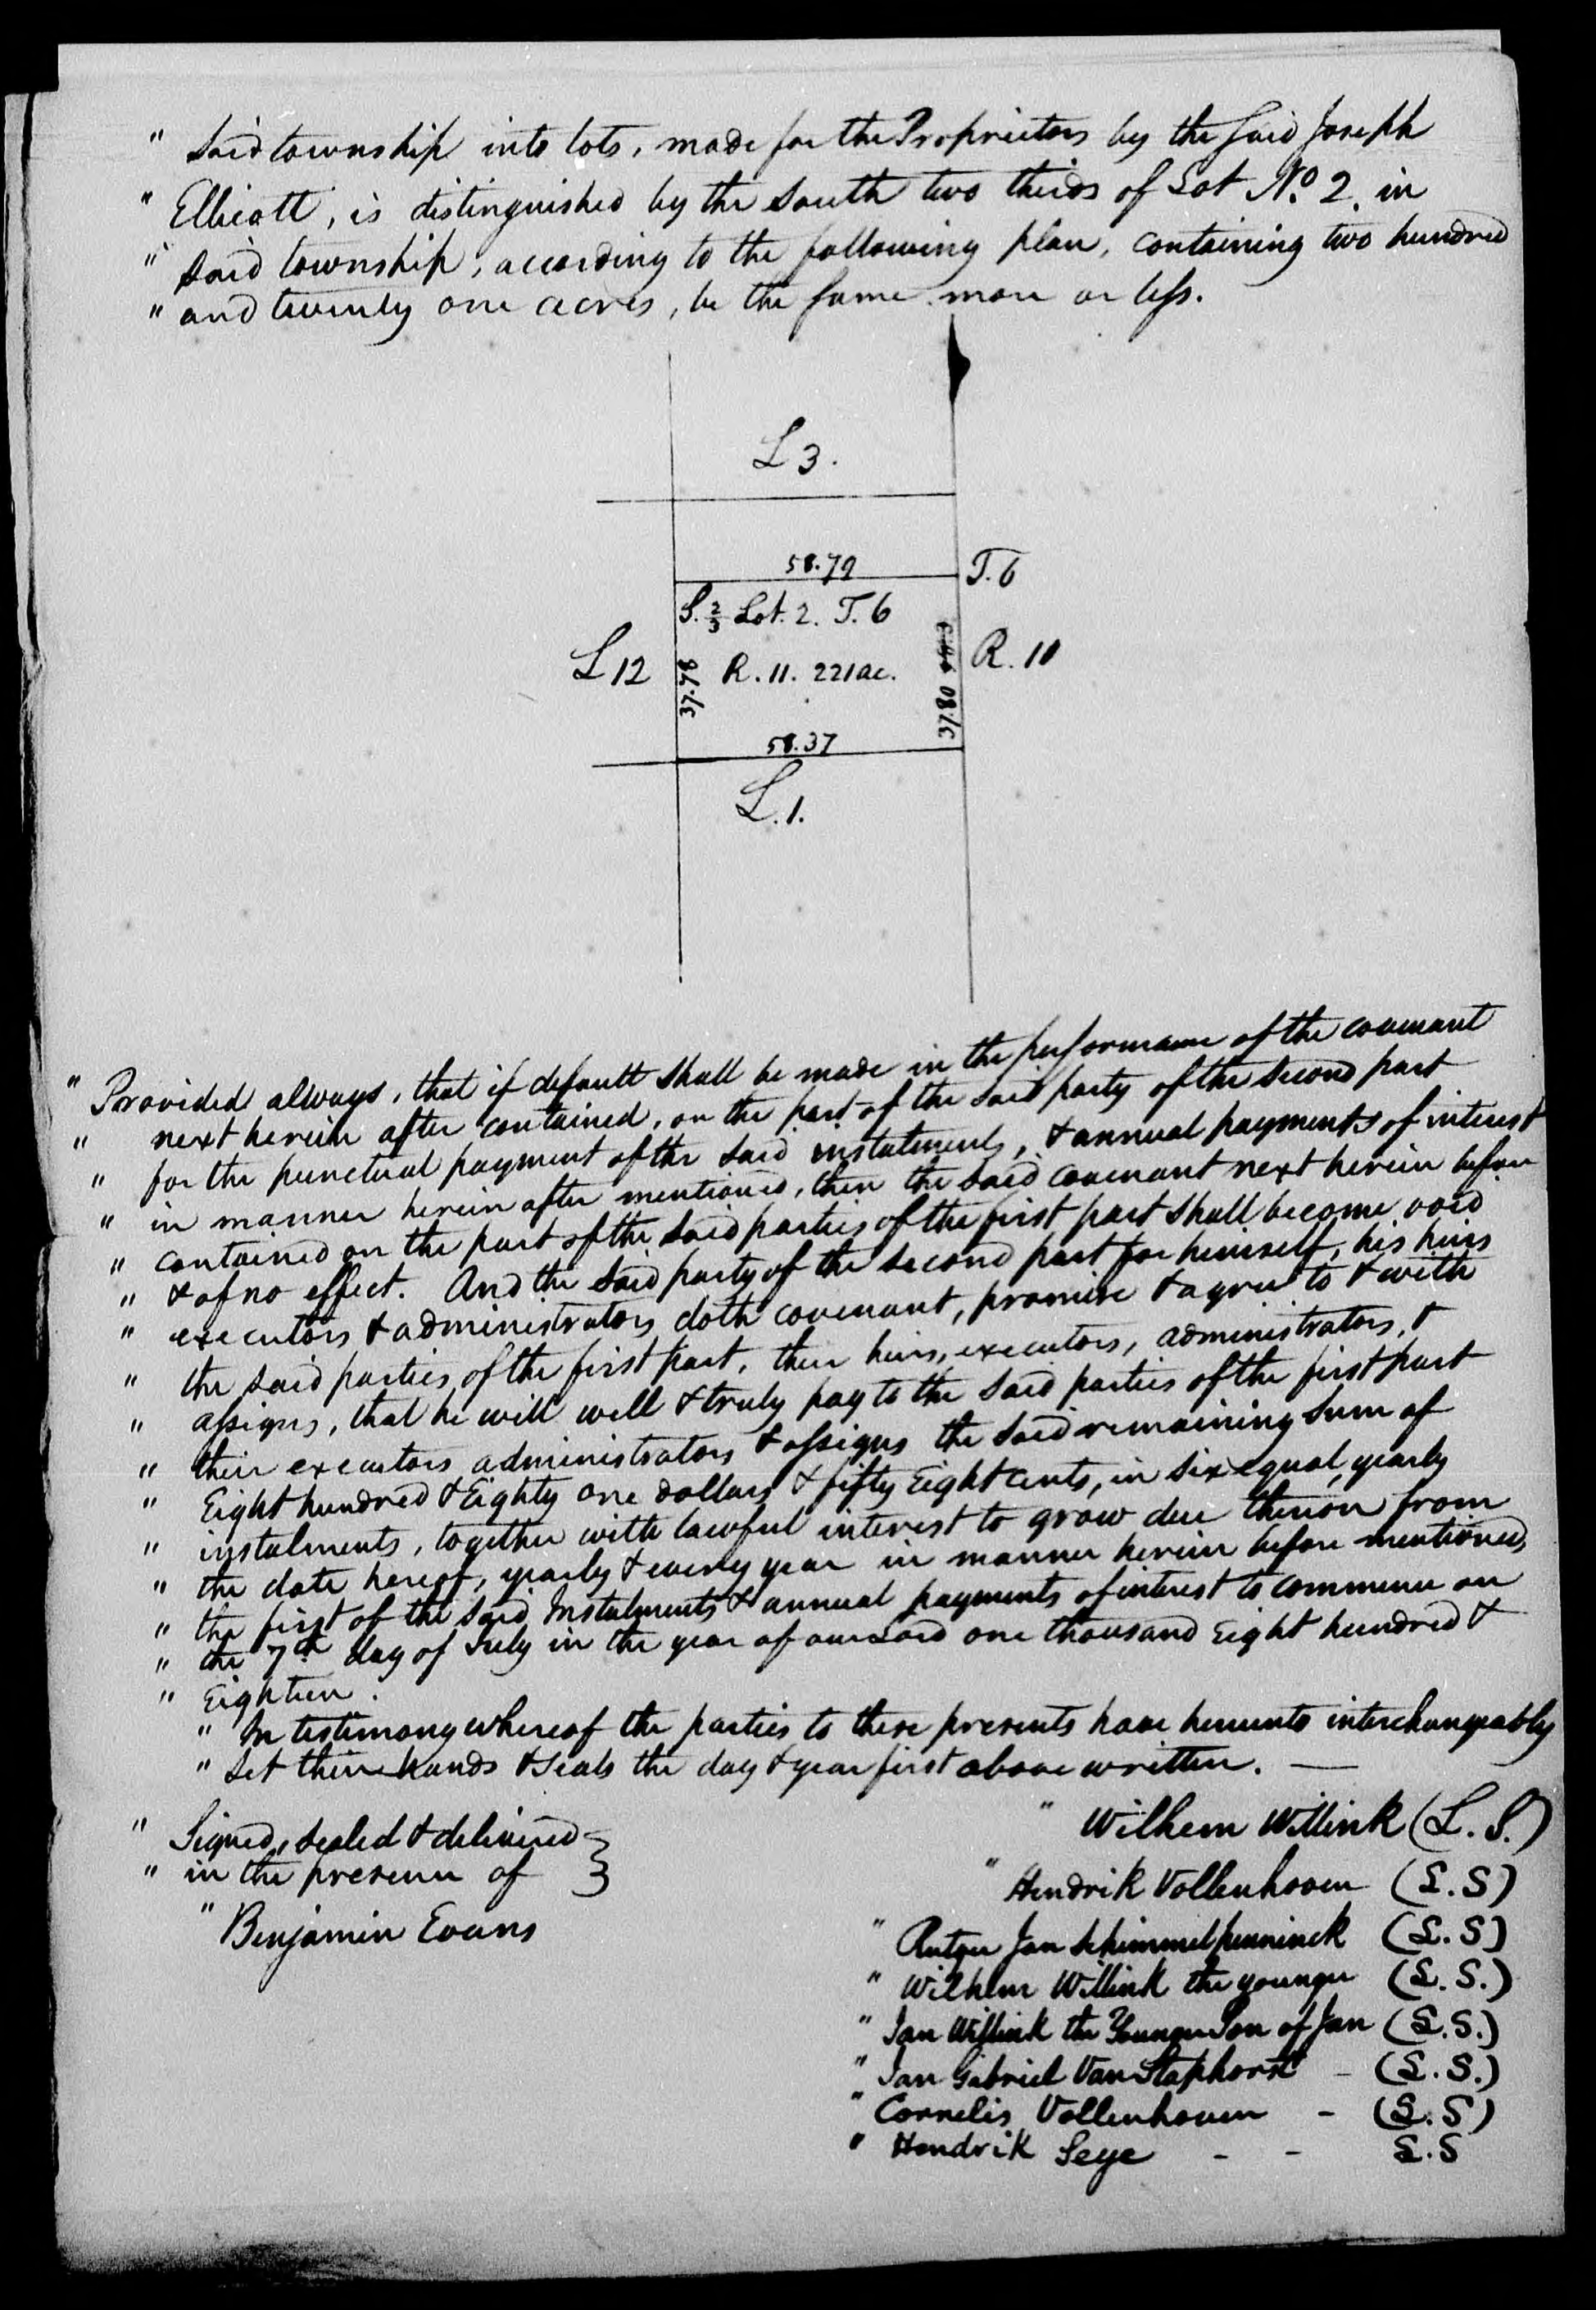Said township into lots, made for the properties by the said Joseph Ellicott, is distinguished by the south two thirds of Lot No. 2 in said township, according to the following plan, containing two hundred and twenty one acres, be the same more or less. 
[Plat drawing shows property is bordered at the top just short of Lot No. 3, to the left by Lot No. 12, to the bottom by Lot No. 1, and to the right by T. 6 R. 11.]  
[Lot is 58.79 across the top, 37.78 down the left side -- where it borders Lot 12, 58.37 on the bottom -- where it borders Lot 1, and 37.80 to the right where it borders T.6 R. 11.]
[Plat measurements:] [eligible] 2/3 Lot 2. T.6;   R.11. 221 ac. [acres]

Provided always, that if default shall be made in the performance of the covenant next herein after contained, on the part of the said party of the second part for the punctual payment of the said instatements, & annual payment of interest in manner herein of the  mentioned, then the said covenant next herein before contained on the part of the said parties of the first part shall become void & of not effect.  And the said party of the second part of himself, his heirs, executors & administrators doth covenant, promise & agree to & with the said parties of the first part, their heirs, executes, and administrators, & assigns, that he will well & truly pay to the said parties of the first part, their executors, administrators & assigns the said remaining sum of eight hundred & eighty one dollars & fifty eight cents, in six equal, yearly installments, together with lawful interest to grow due thereon from the date hereof, yearly & every year in manner herein before mentioned, the first of the said installments, & 
annual payments of interest to commence on the 7th day of July in the year of our Lord one thousand eight hundred & eighteen.
In testimony whereof the parties to these presents have hereunto interchangeably set their hands & seals the day & year first above written. - 
Signed, sealed & delivered in the presence of Benjamin Evans }
Wilhem William Willink (L.S.)
Hendrik Vollenhoven (S.S.)
Rutger Jan Schimmelpenninck (S.S.)
Wilhem Willink the younger (S.S.)
Jan Willink the younger son of Jan (S.S.)
Jan Gabriel Van Staphorst (S.S.)
Cornelis Vollenhoven (S.S.)
Hendrik Leye -- S.S.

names: Wilhem Willink, Jan Willink, Hendrik Seye, Wilhem Willink, Joseph Ellicott, Hendrik Vollenhoven, Cornelis Vollenhoven, Jan Gabriel Van Staphorn, Benjamin Evans, Rutger Jan Schimmelpenninck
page: 17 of 33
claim: survivor's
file: S 43571, Thomas Frink, Mass.